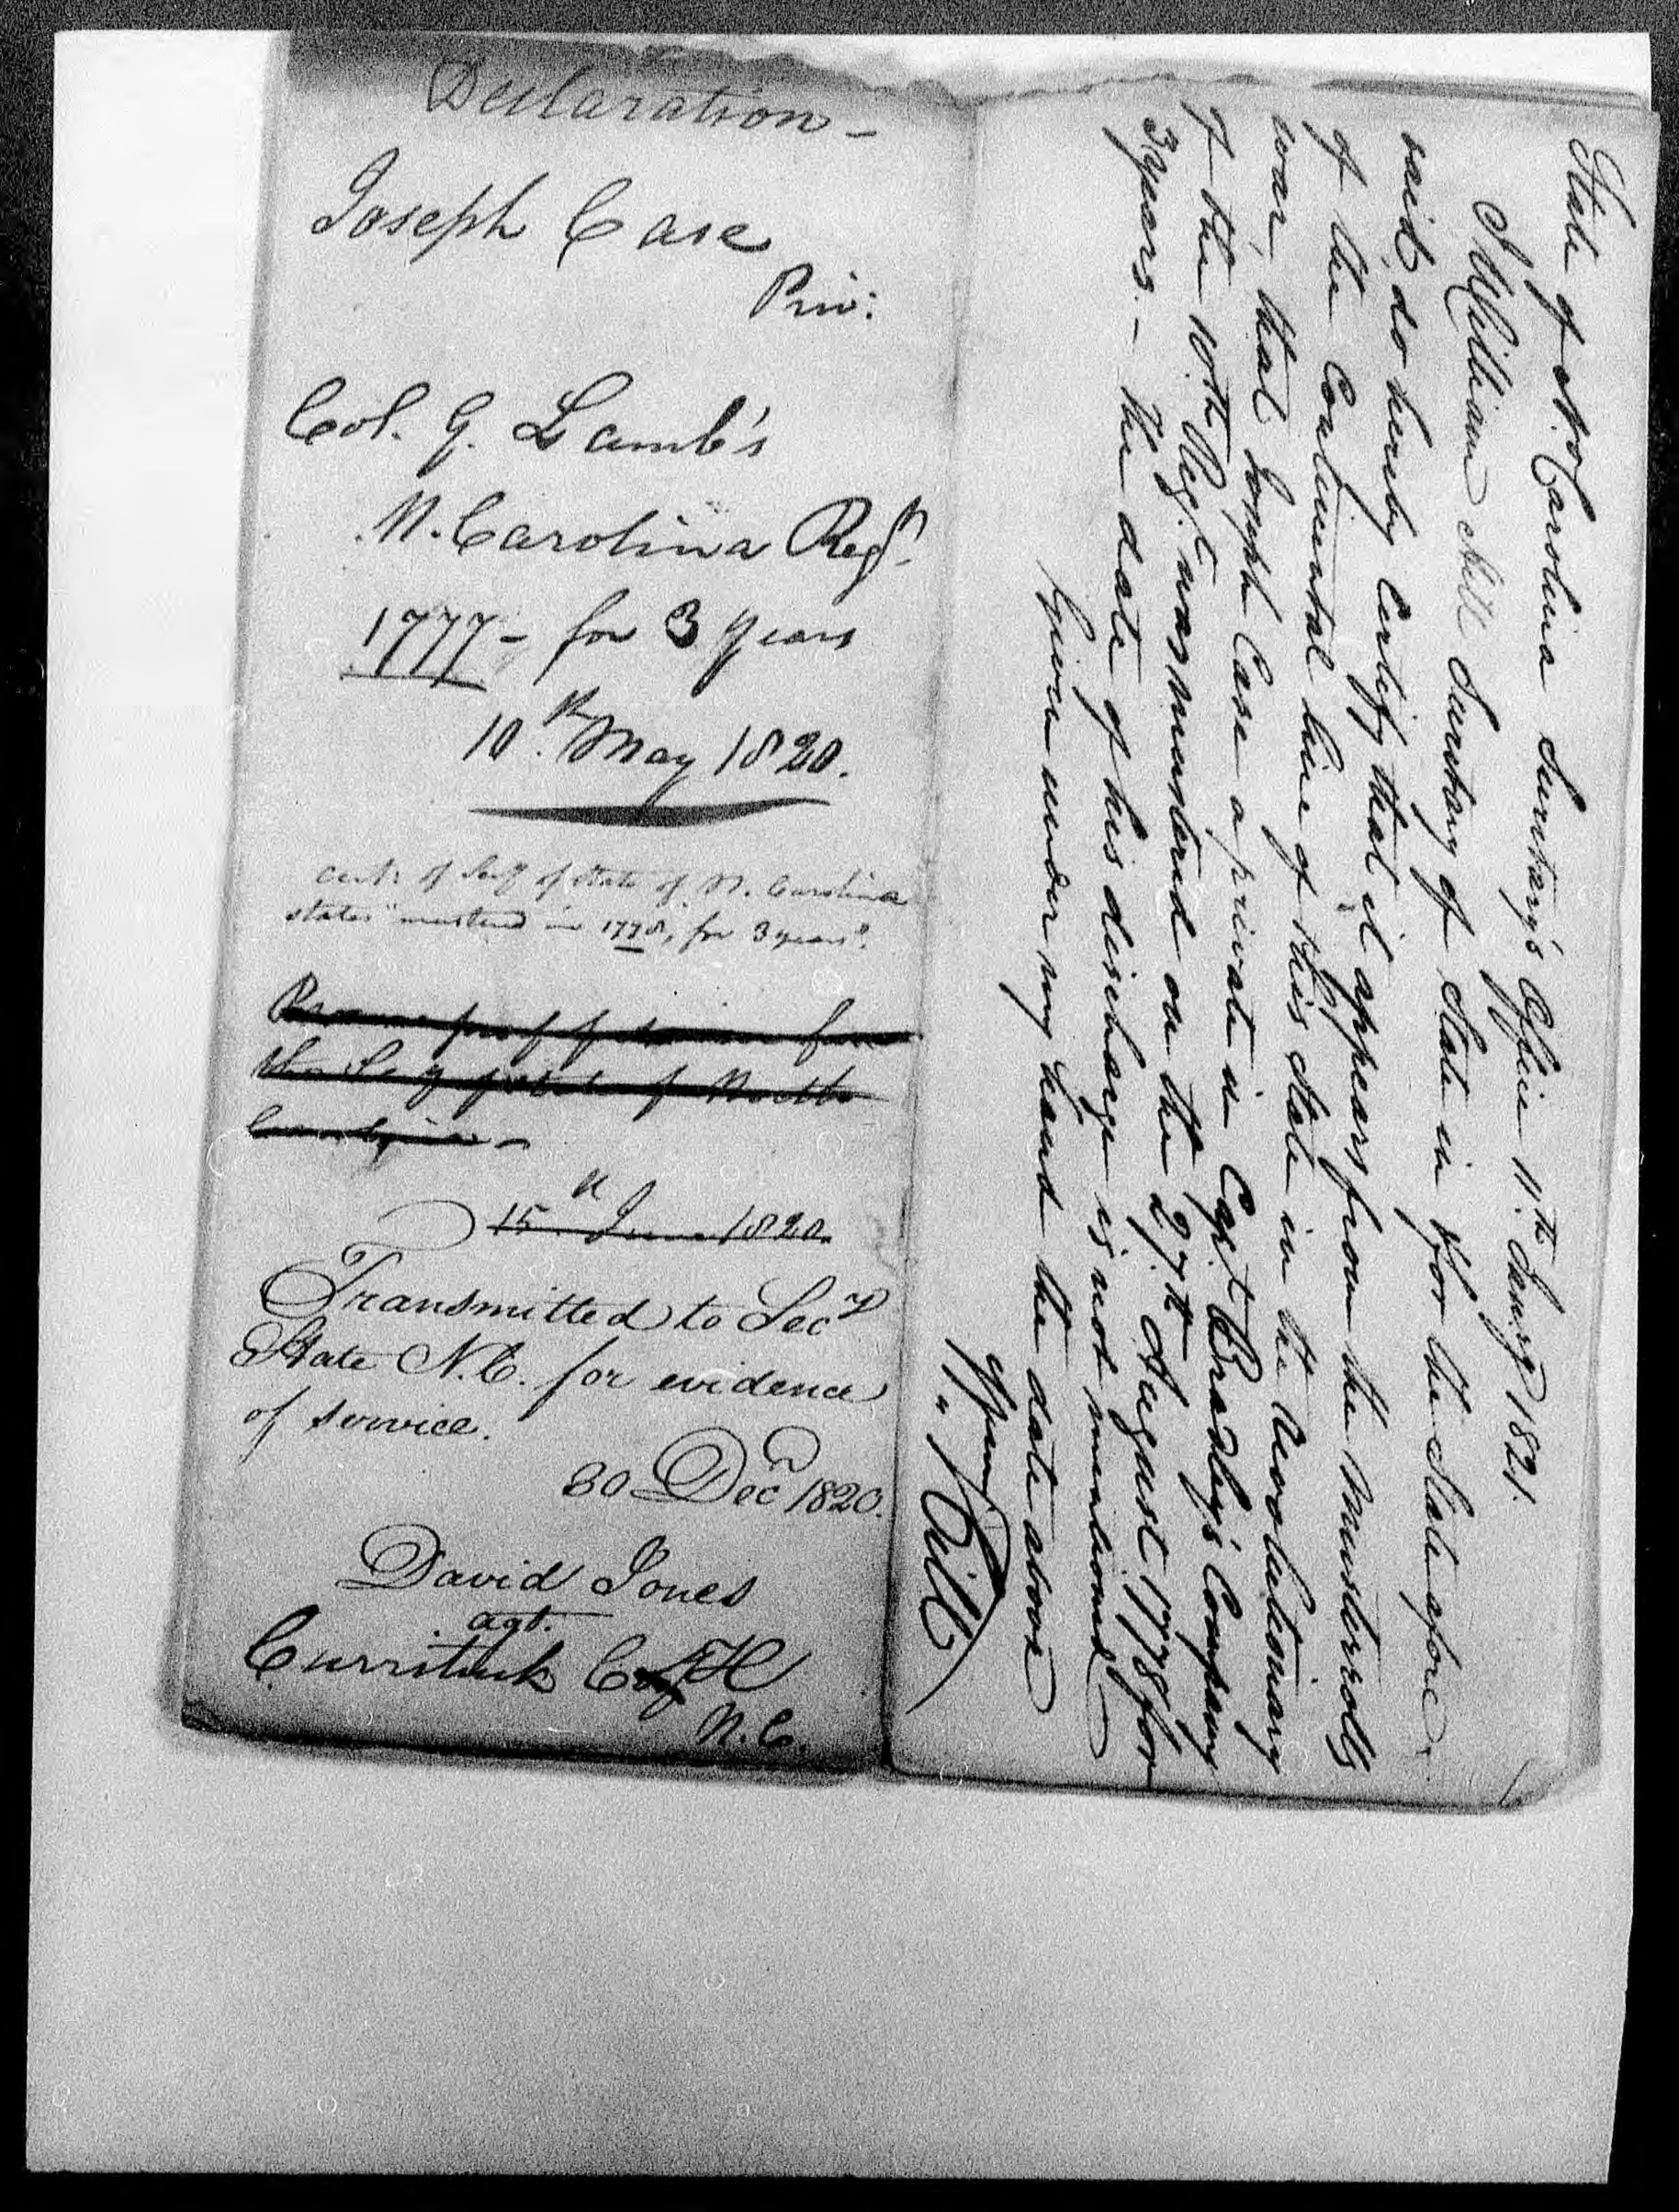Declaration
Joseph Case, Pri

Col G. Lamb's
N. Carolina Reg.
1777 - for 3 years
10 May 1820
--------

Cert. of Secrt. of State of N. Carolina states "mustered in 1777 for 3 years."

Transmitted to Sec. of State of N.C. for evidence of Service.

30 Dec 1820.

David Jones
agt.
Currently C.H 
N.C.
-----

State of North Carolina Secretary's Office, 11 January 1821

I William Hill Secretary of State in and for the State aforesaid do hereby Certify that it appears from the muster rolls of the Continental line of this State in the Revolutionary War, that Joseph Case a private in Capt. Bradley's Company of the 10th Regiment on the 27th August 1178 for 3 years -- the date of his discharge is not recorded.

Given under my hand the date above. 

William Hill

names: Joseph Case, Joseph Case, William Hill, David Jones, Wm Hill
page: 17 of 20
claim: survivor's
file: S. 41472, Joseph Case, N.C.